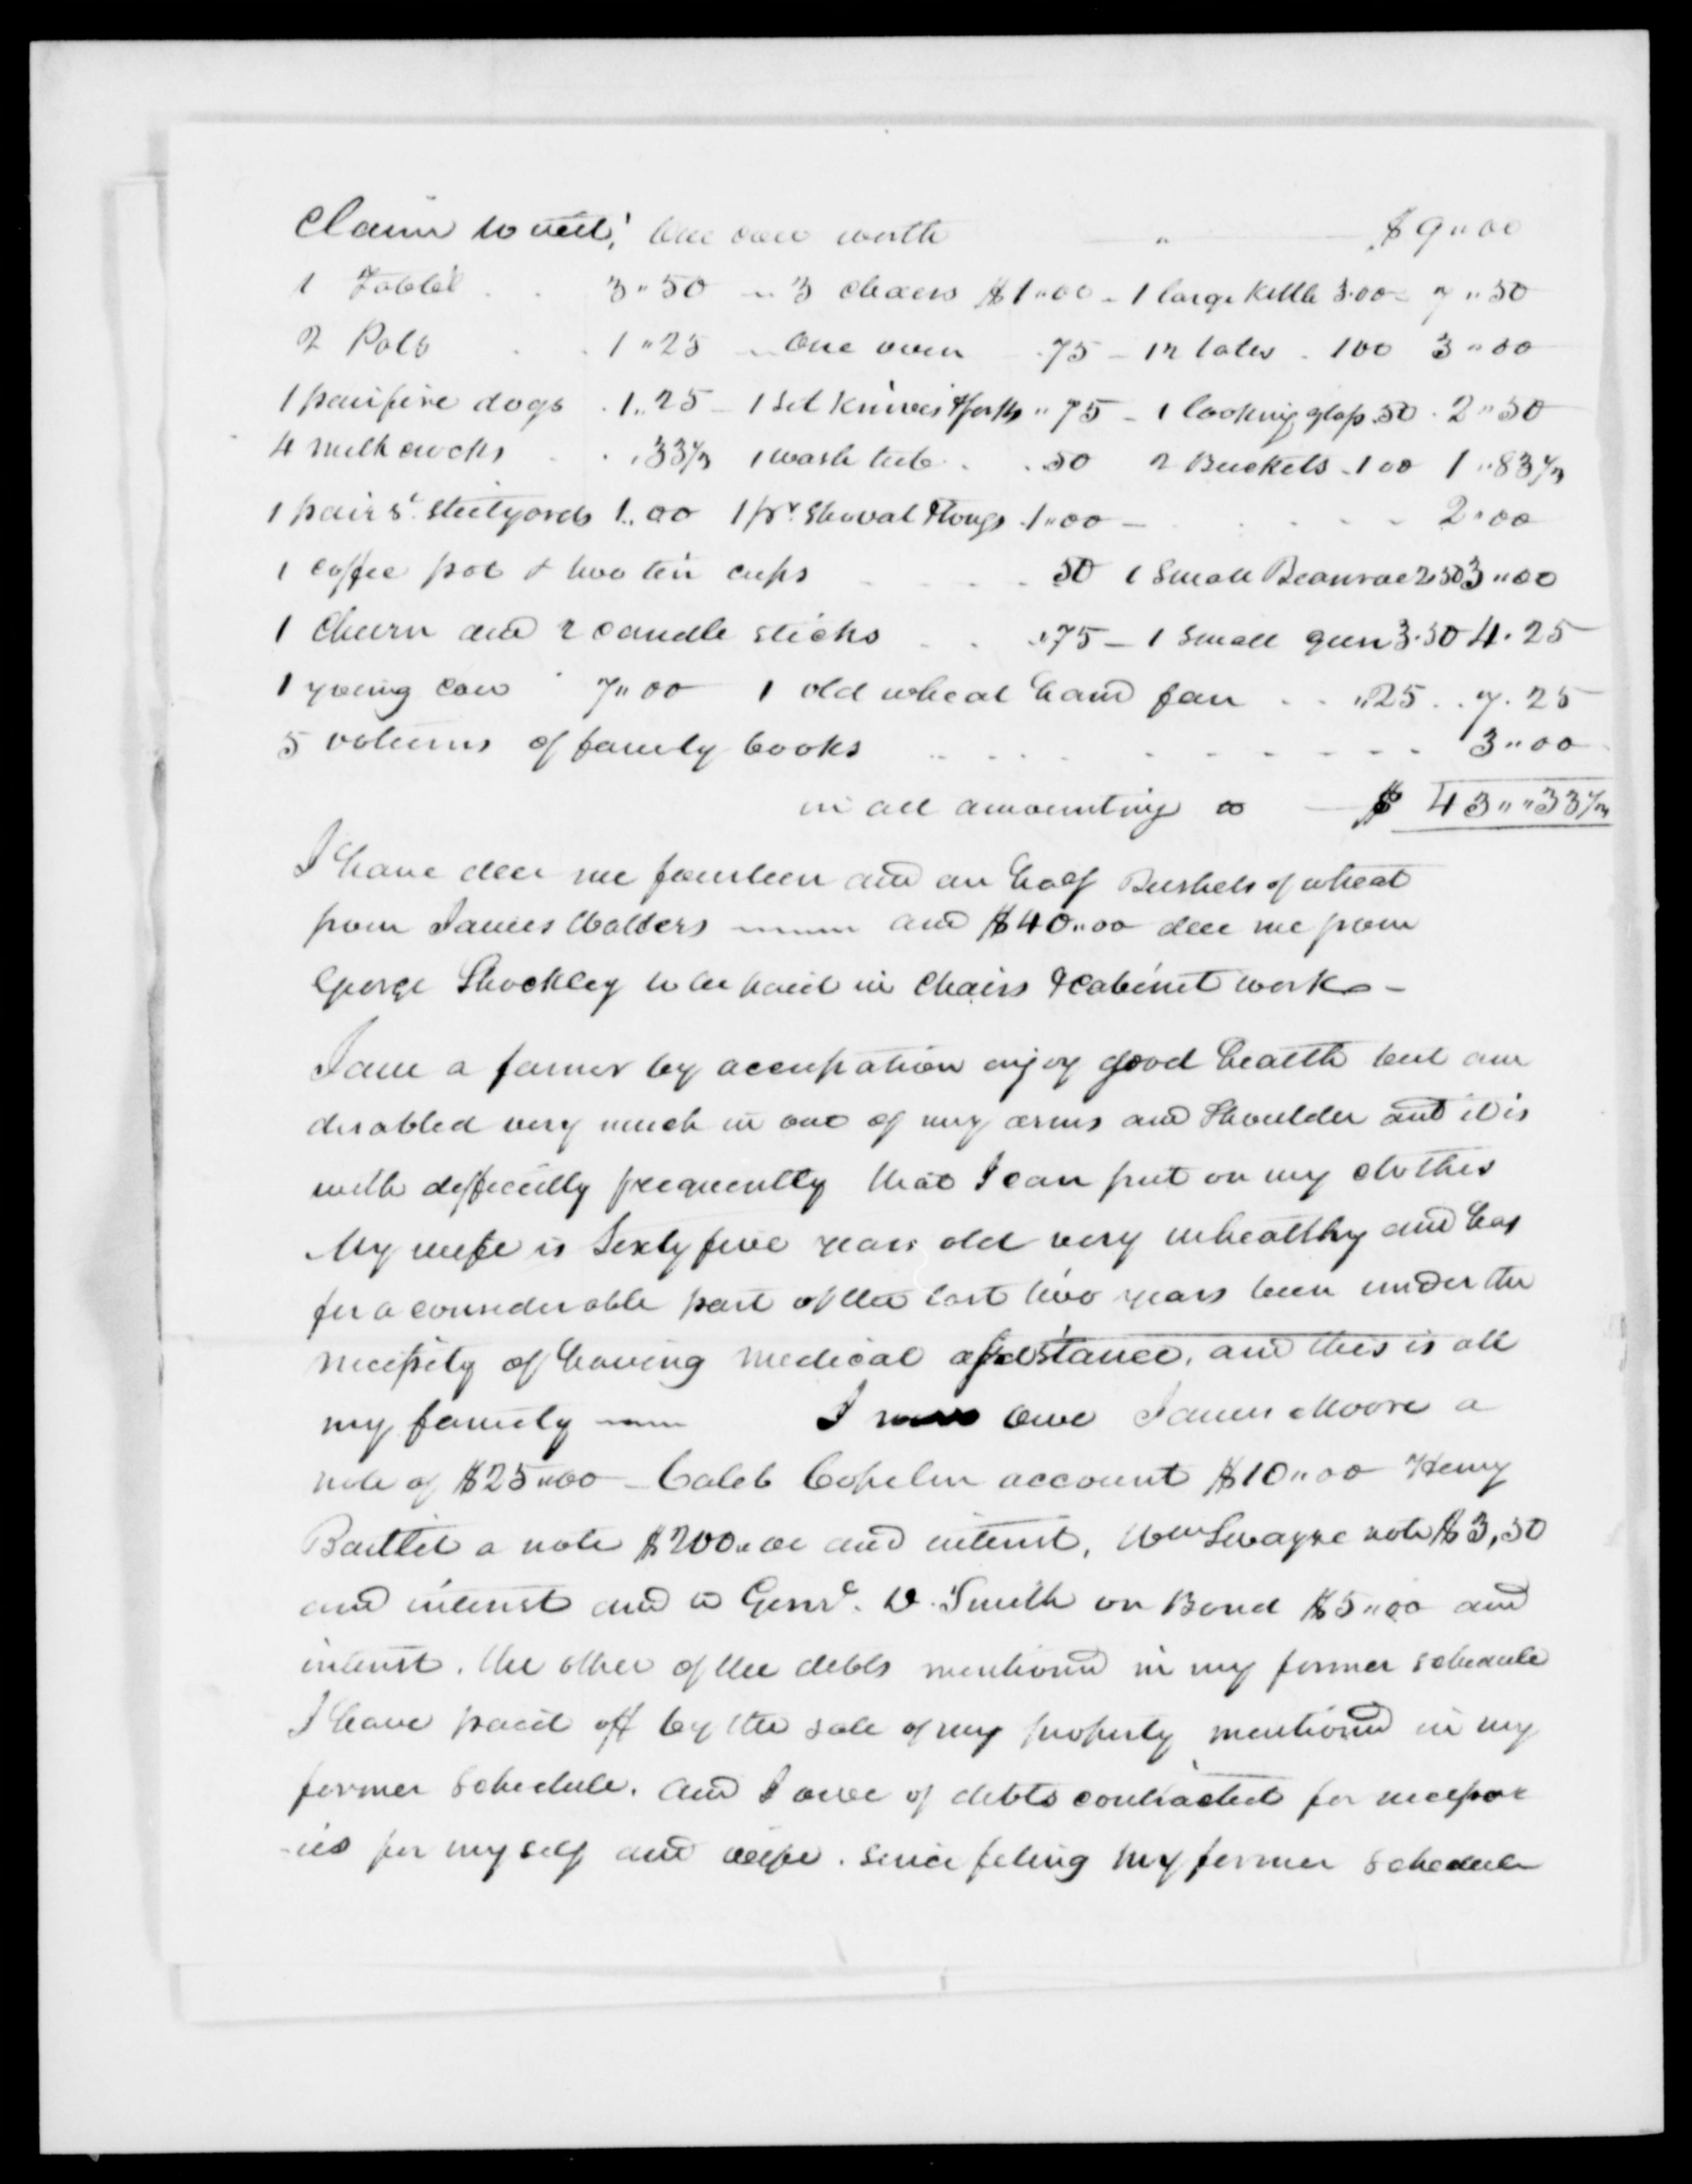claim to wit:  One [illegible] worth  -   $9.00
1 Table - 3.50 - 3 chairs $1.00 - 1 large Kettle 3.00 - 7.50
2 Pots - 1.25 - one oven .75- 1 plater 1.00 3.00
1 pair fire dogs 1.25 - 1 Set Knives & forks .75 - 1 looking glass .50  2.50
4 milk crocks - .33 1/3  1 wash tub - .50 2 Buckets 1.00 1.83 1/3
1 pairs Steelyards 1.00 1 pr Shovel tongs 1.00 - 2.00
1 coffee pot & two tin cups - .50 -1 Small Beaurae 2.50 3.00
1 Churn and 2 candle sticks - - .75 - 1 Small gun 3.50 - 4.25
1 young cow - 7.00 1 old wheat hand fan .25 - 7.25
5 volumes of family books - -3.00
in all amounting to - $ 43.33 1/3
I have due me fourteen and an half Bushels of wheat
from James Walders - and $40.00 due me from
George Shockley was paid in chairs & cabinet work.
I am a farmer by occupation enjoy good health but am
disabled very much in one of my arms and shoulder and it is
with difficulty frequently that I can put on my clothes
My wife is Sixty five years old very unhealthy and has
for a considerable part of the last two years been under the
necessity of having medical assistance, and this is all
my family-- I owe James Moore a
note of $25.00. Caleb Copelin account $10.00 Henry
Bailet a note $200.00 and interest, Wm Swayne note $3.50
and interest and a Genl D. Smith on Bond $5.00 and
interest, the other of the debts mentioned in my former schedule
I have paid off by the sale of my property mentioned in my
former schedule. and I owe of debts contracted for necessar
-ies for my self and wife. since filing my former schedule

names: Caleb Copelen, Wm Swayne, James Watters, Henry Bartlet, D Smith, George Shockley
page: 6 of 29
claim: survivor's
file: S. 40642, James Waters, Continental (Md)